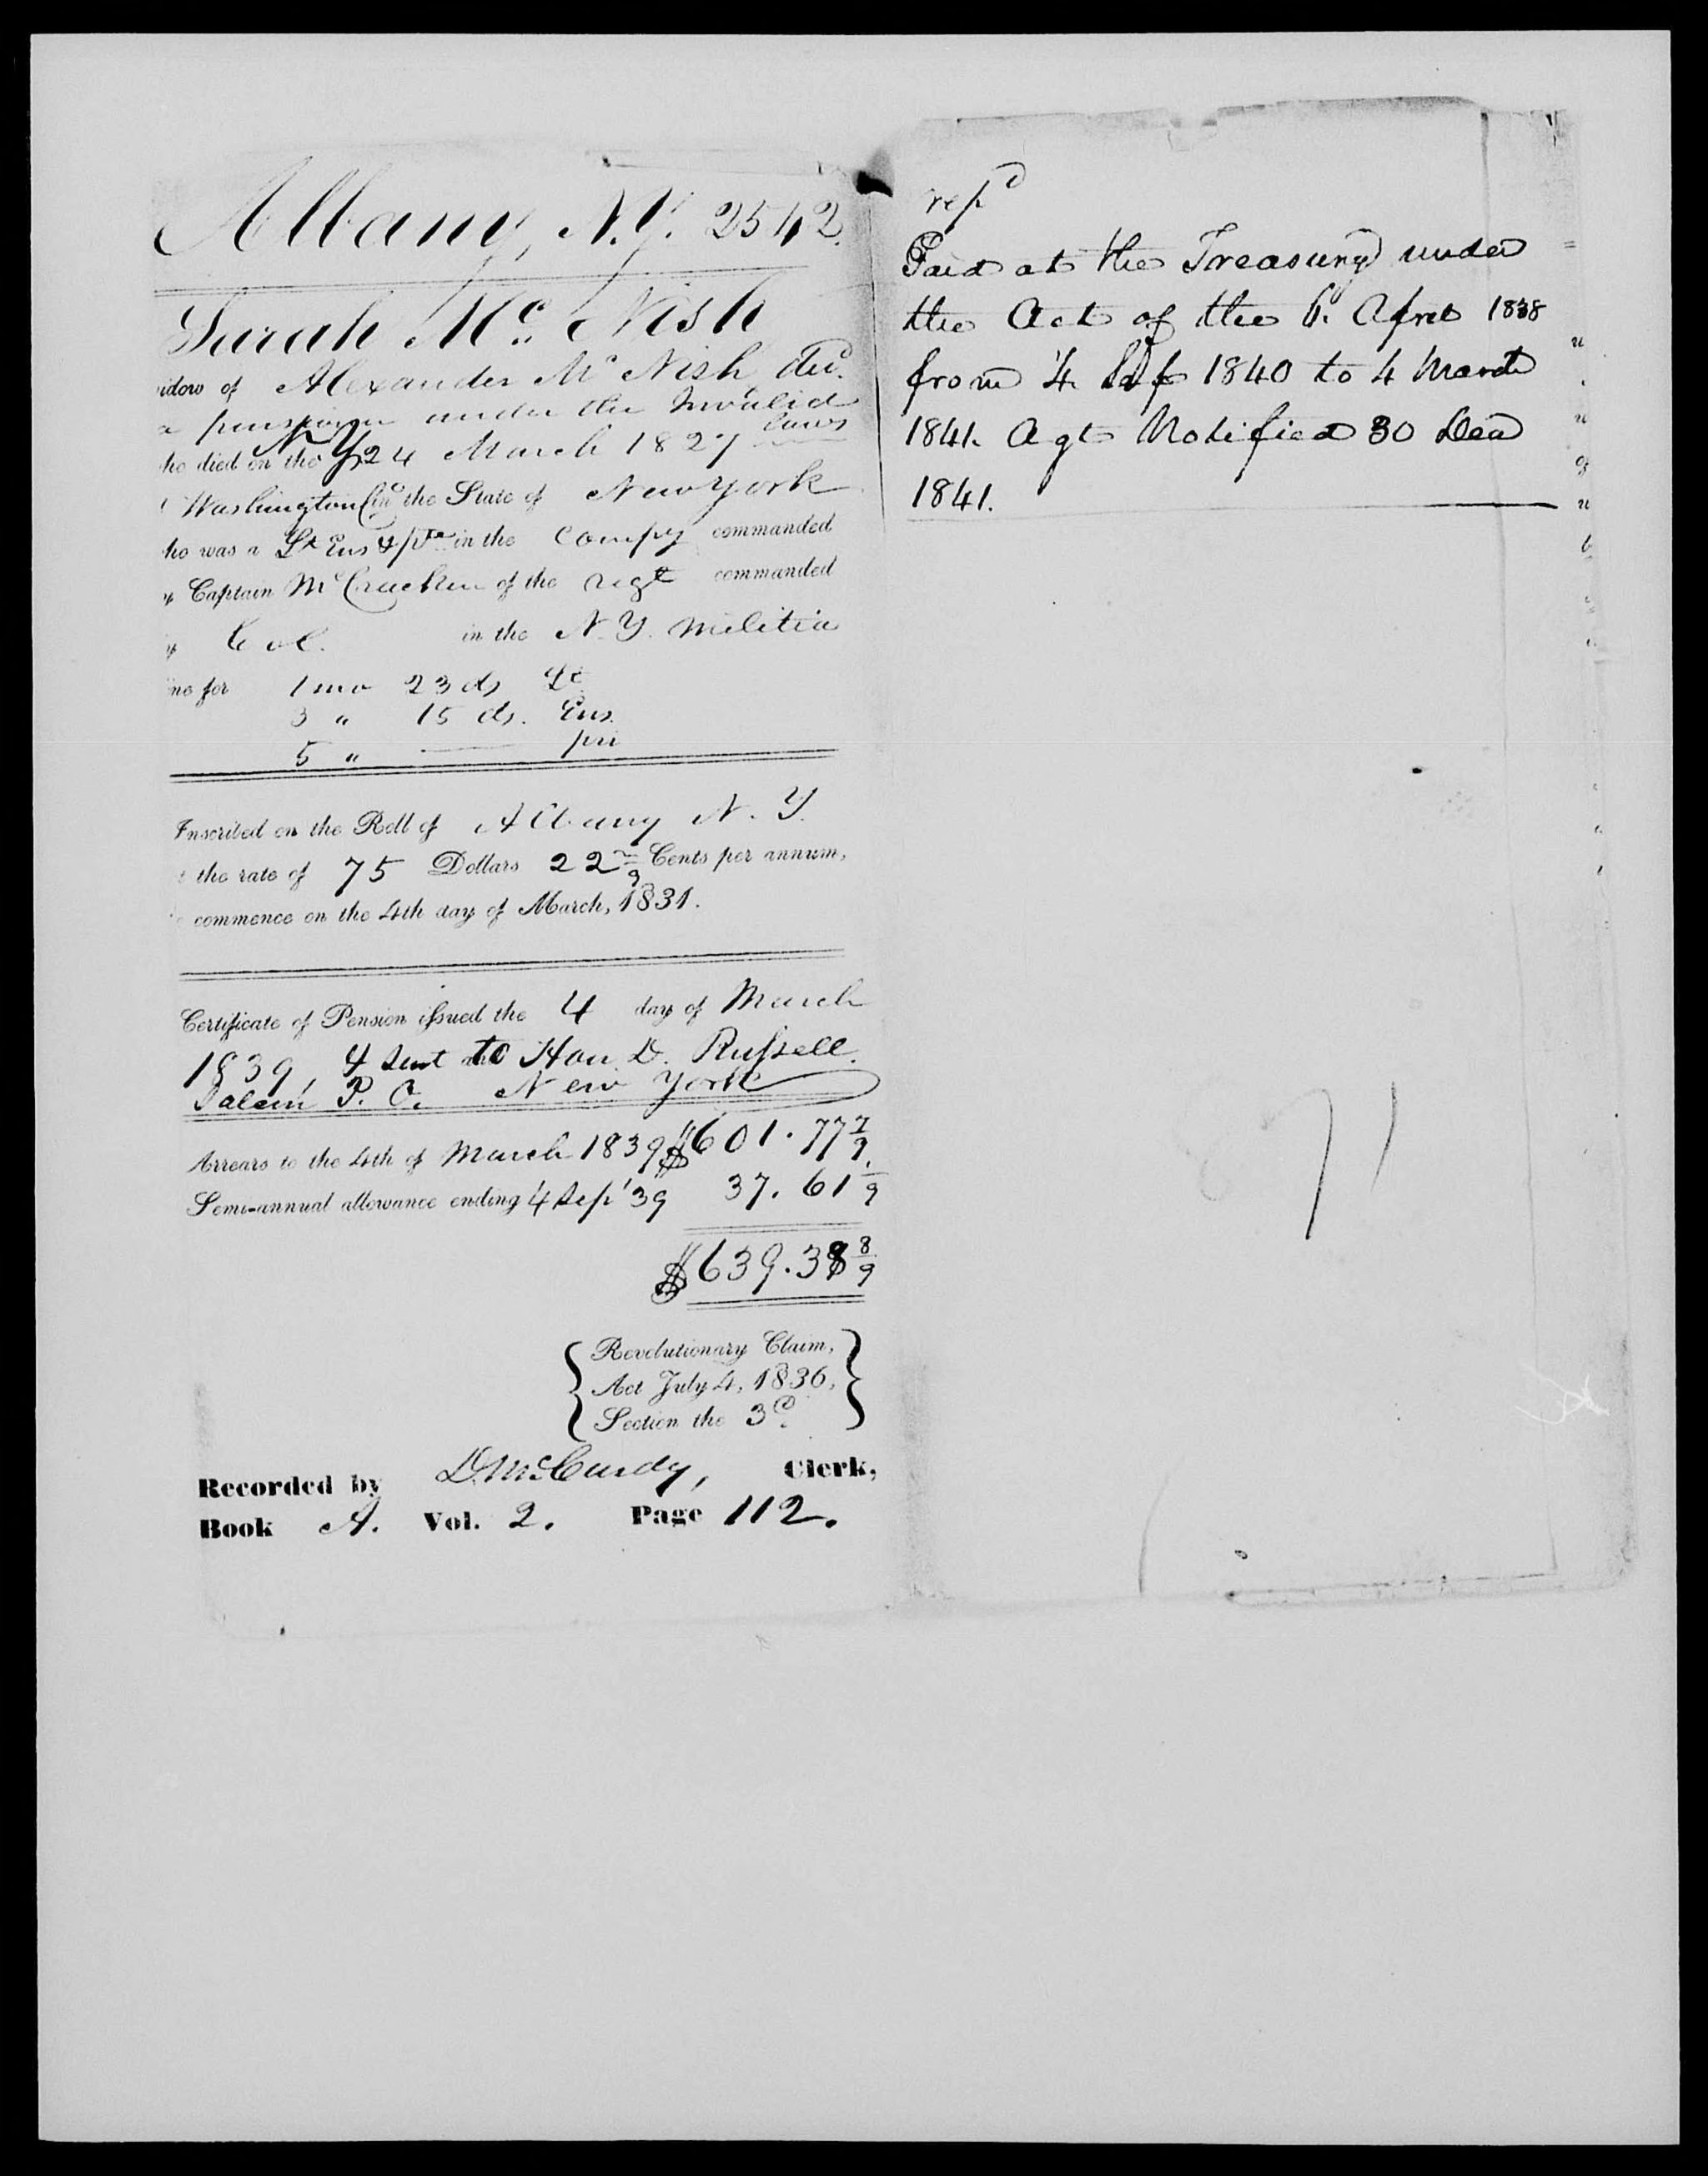Albany, NY 2542
Sarah McNish
widow of Alexander McNish dec. 
a pensioner under the Invalid laws
he died the 24 March 1827
Washington Co in the State of New York
who was a Lt Ens & Se. in the company commanded
by Captain MCracken of the regt commanded 
by Col. in the NY militia
line for 1 mo 23 d Lt
             3 " 15ds Ens
             5 "        pri

Inscribed on the Roll of Albany NY
at t he rate of 75 Dollars 22 Cents per annum
to commence on t he 4th day of March 1831

Certificate of Pension issued the 4 day of March
1839, & sent to Hon. D. Russell
Salem, P.O. New York

Arrears to the 4th of March 1839   $601.77 7/9
Semi-annual allowance ending 4 Sep '39 $37.61 1/9
$631.38 8/9

Revolutionary Claim, 
Act July 4, 1836
Section the 3d

Recorded by D McCurdy. Clerk
Book A. Vol. 2 Page 112

rep'd 

Paid at the Treasury under
the Act of the 6th April 1838
from 4 Sept 1840 to 4 March
1841 Agt Modified 30 Dec 
1841


871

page: 3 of 42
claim: widow's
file: W. 23,937 S. 28094, for Alexander Mc Nish, New York